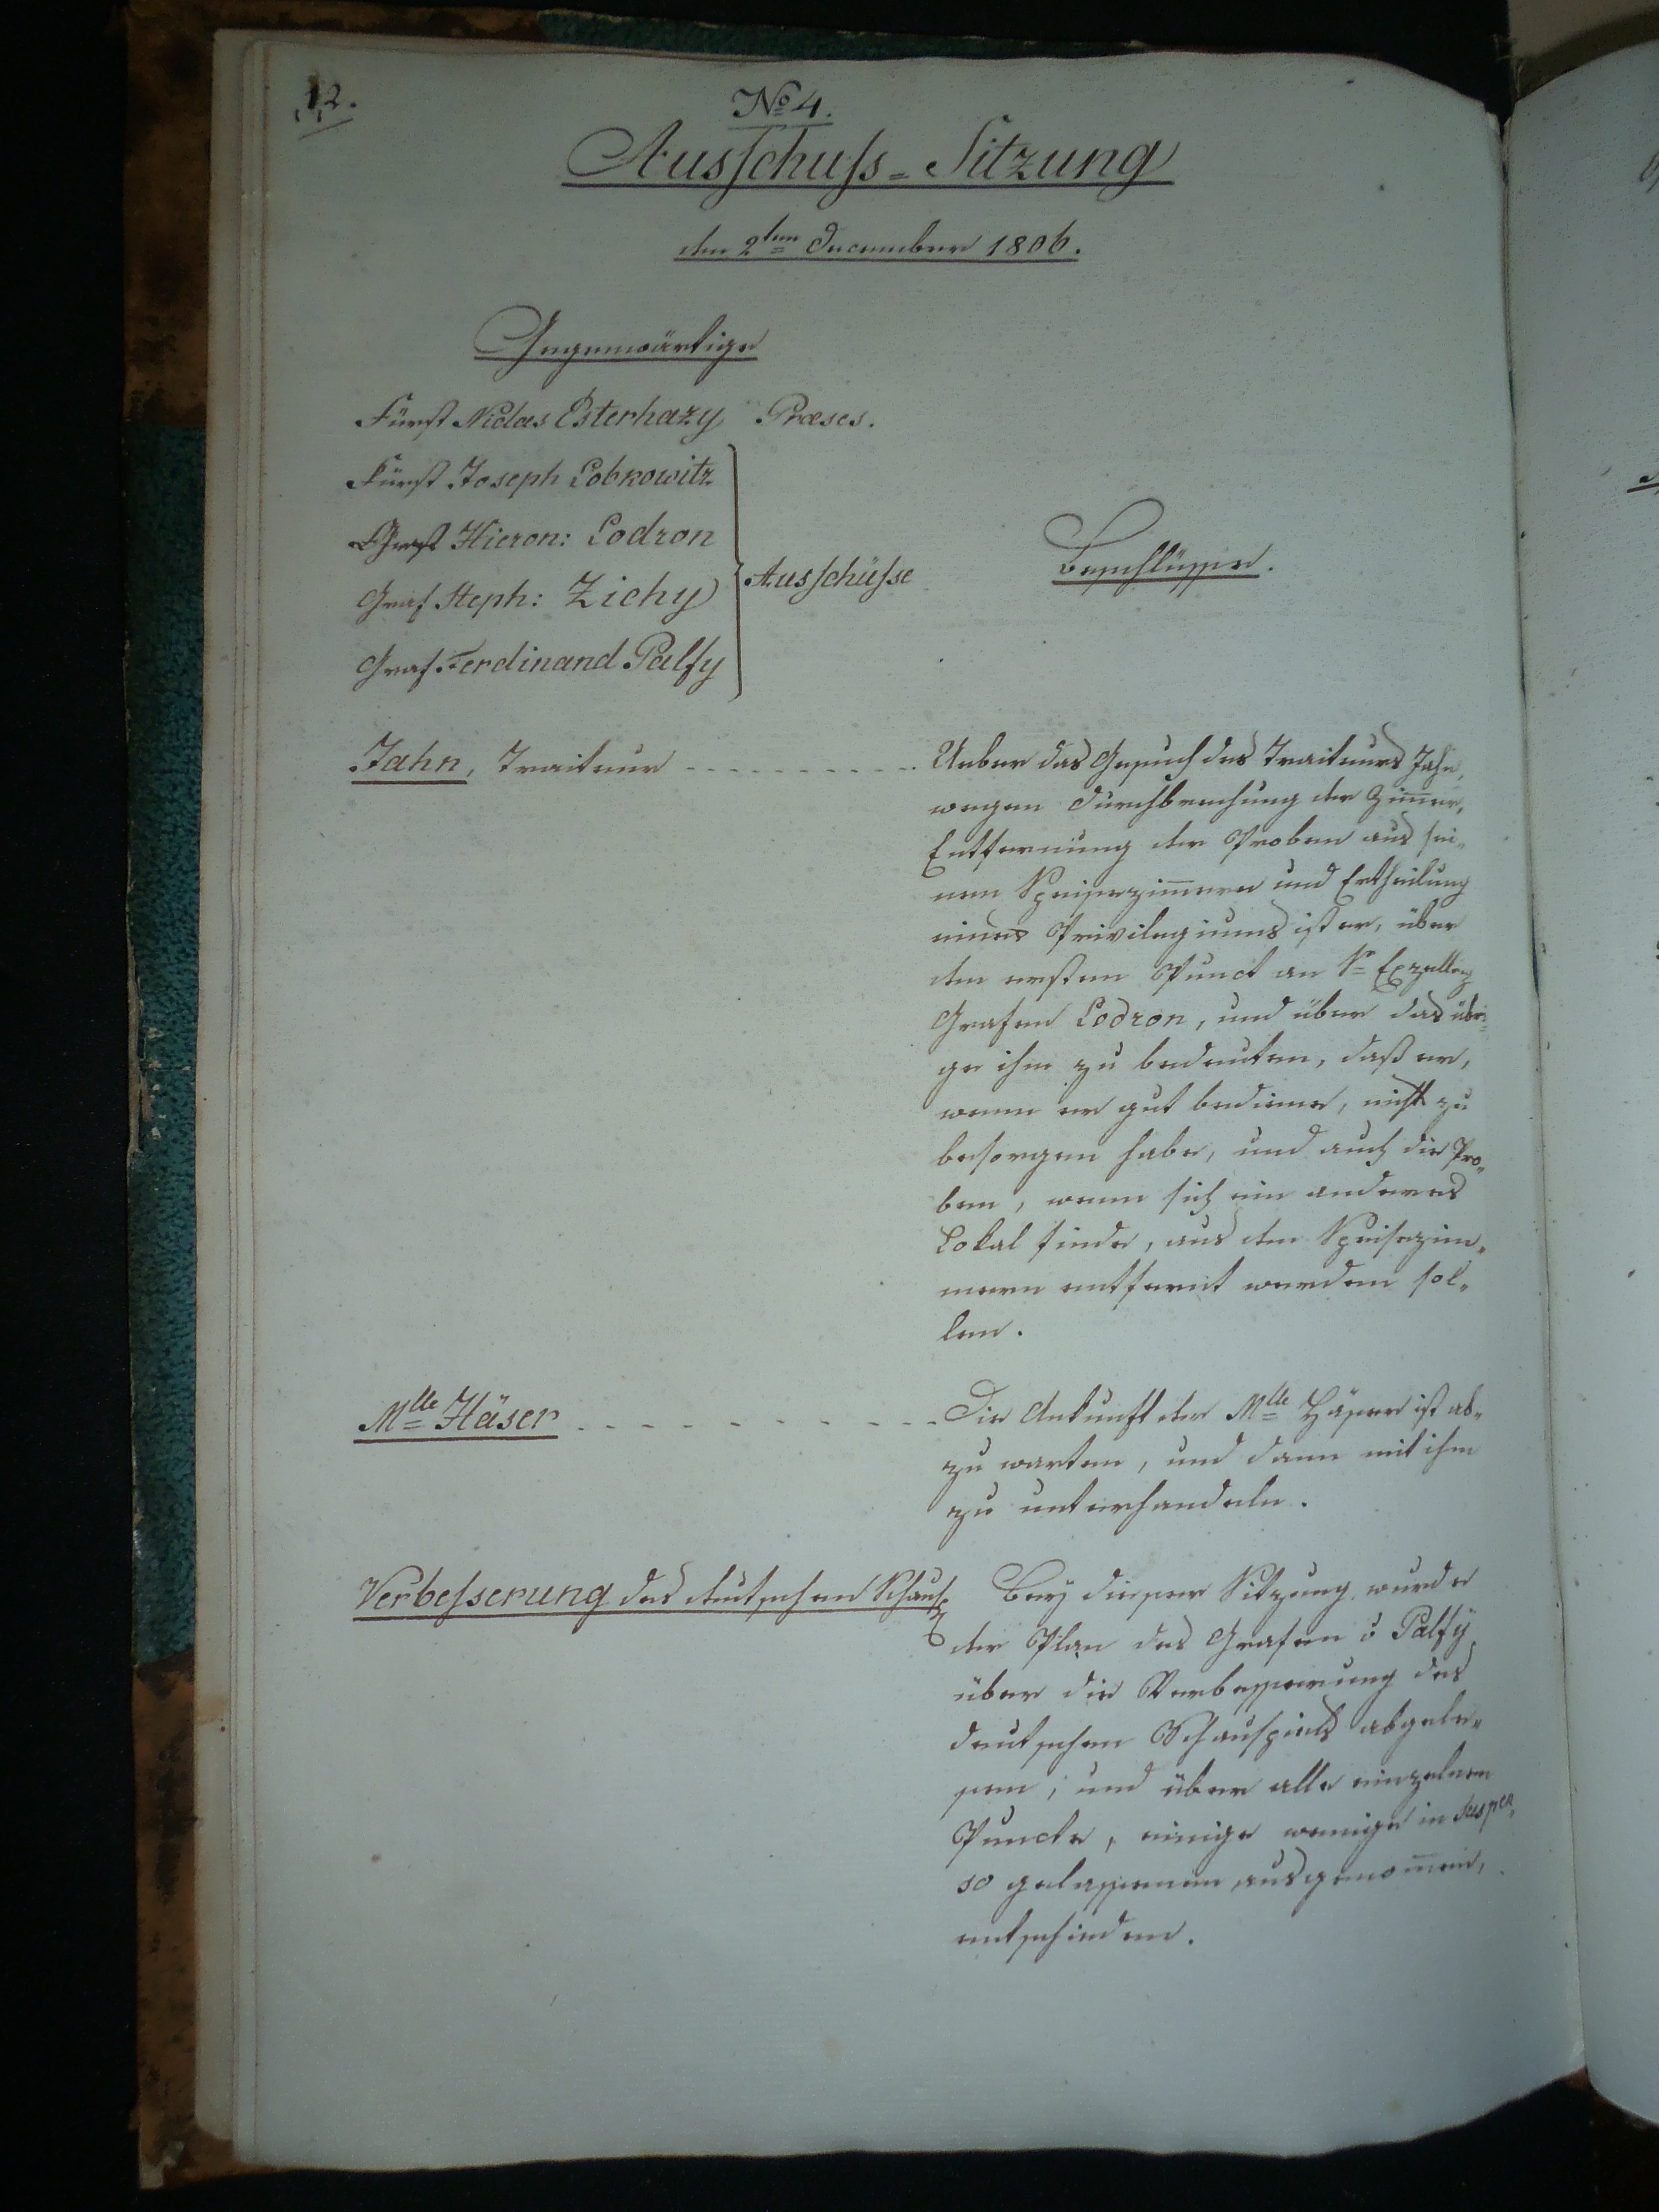12.
No͇ 4.
Ausschuss‗Sitzung
den 2te͇n Dezember 1806.
Gegenwärtige
Fürst Niclas Esterhazy Præses.
Fürst Joseph Lobkowitz
Graf Hieron: Lodron
Graf Steph: Zichy
Graf Ferdinand Palfy
Ausschüsse
Beschlüsse.
Jahn, Traiteur ……….. Ueber das Gesuch des Traiteurs Jahn,
wegen Durchbrechung der Zim̅er,
Entfernung der Proben aus sei¬
nem Speisezim̅ern und Ertheilung
eines Privilegiums ist er, über
den ersten Punct an Se͇ Exzellenz
Grafen Lodron, und über das übri¬
ge ihm zu bedeuten, daß er,
wenn er gut bediene, nichts zu
besorgen habe, und auch die Pro¬
ben, wenn sich ein anderes
Lokal finde, aus den Speisezim¬
mern entfernt werden sol¬
len.
Ml͇l͇e Häser ………… Die Ankunft der Ml͇l͇e Häser ist ab¬
zu warten, und dann mit ihm
zu unterhandeln.
Verbesserung des deutschen SchauspE Bey dieser Sitzung wurde
der Plan des Grafen v Palfy
über die Verbesserung des
deutschen Schaupiels abgele¬
sen, und über alle einzelnen
Puncte, einige wenige in Susper¬
so gelassenen ausgenomen,
entschieden.